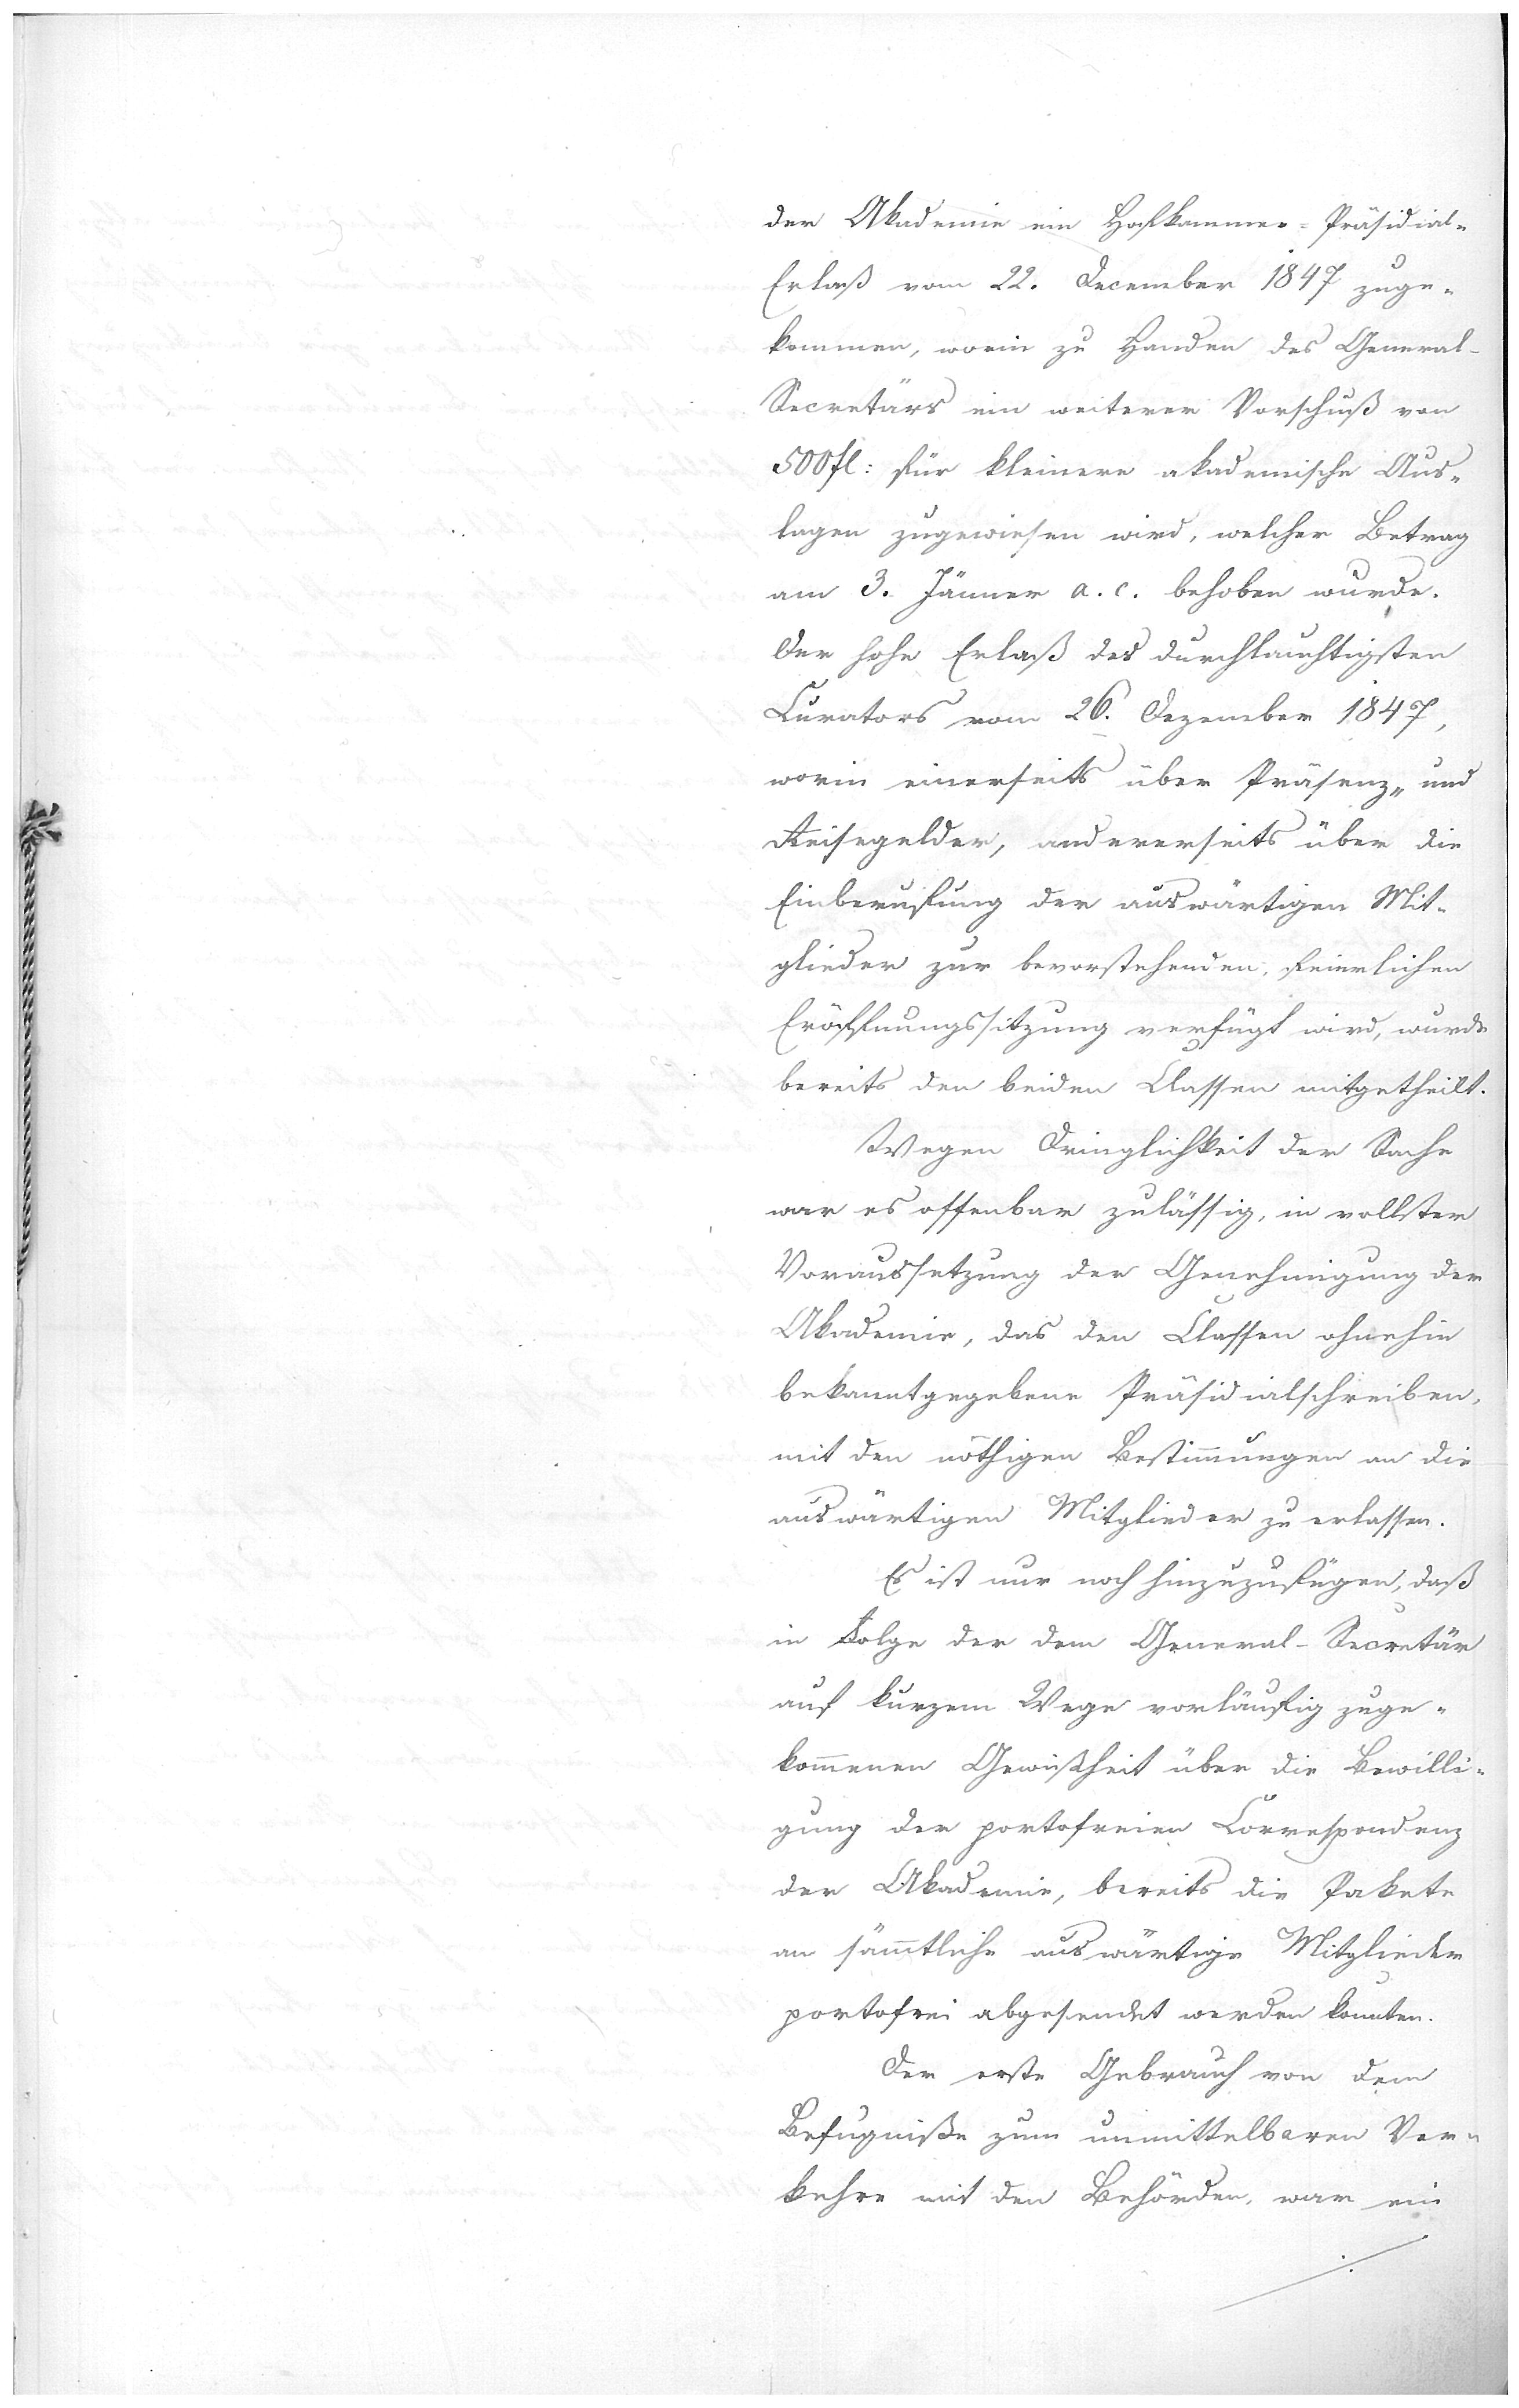der Akademie ein Hofkammer-Präsidial-
Erlaß vom 22. December 1847 zuge-
kommen, worin zu Handen des General-
Secretärs ein weiterer Vorschluß von
500 fl. für kleinere akademische Aus-
lagen zugewiesen wird, welcher Betrag
am 3. Jänner a.c. behoben wurde.
Der hohe Erlaß des durchlauchtigsten
Curators vom 26. Dezember 1847,
worin einerseits über Präsenz- und
Reisegelder, andererseits über die
Einberufung der auswärtigen Mit-
glieder zur bevorstehenden feierlichen
Eröffnungssitzung verfügt wird, wurde
bereits den beiden Classen mitgetheilt
Wegen Dringlichkeit der Sache
war es offenbar zulässig, in vollster
Voraussetzung der Genehmigung der
Akademie, das den Classen ohnehin
bekanntgegebene Präsidialschreiben
mit den nöthigen Bestimmungen an die
auswärtigen Mitglieder zu erlassen.
Es ist nur noch hinzuzufügen, daß
in Folge der dem General-Secretär
auf kurzem Wege vorläufig zuge-
kommenen Gewißheit über die Bewilli-
gung der portofreien Correspondenz
der Akademie, bereits die Pakete
an sämmtliche auswärtige Mitglieder
portofrei abgesendet werden konnten.
Der erste Gebrauch von dem
Befugniße zum unmittelbaren Ver-
kehr mit den Behörden, war ein